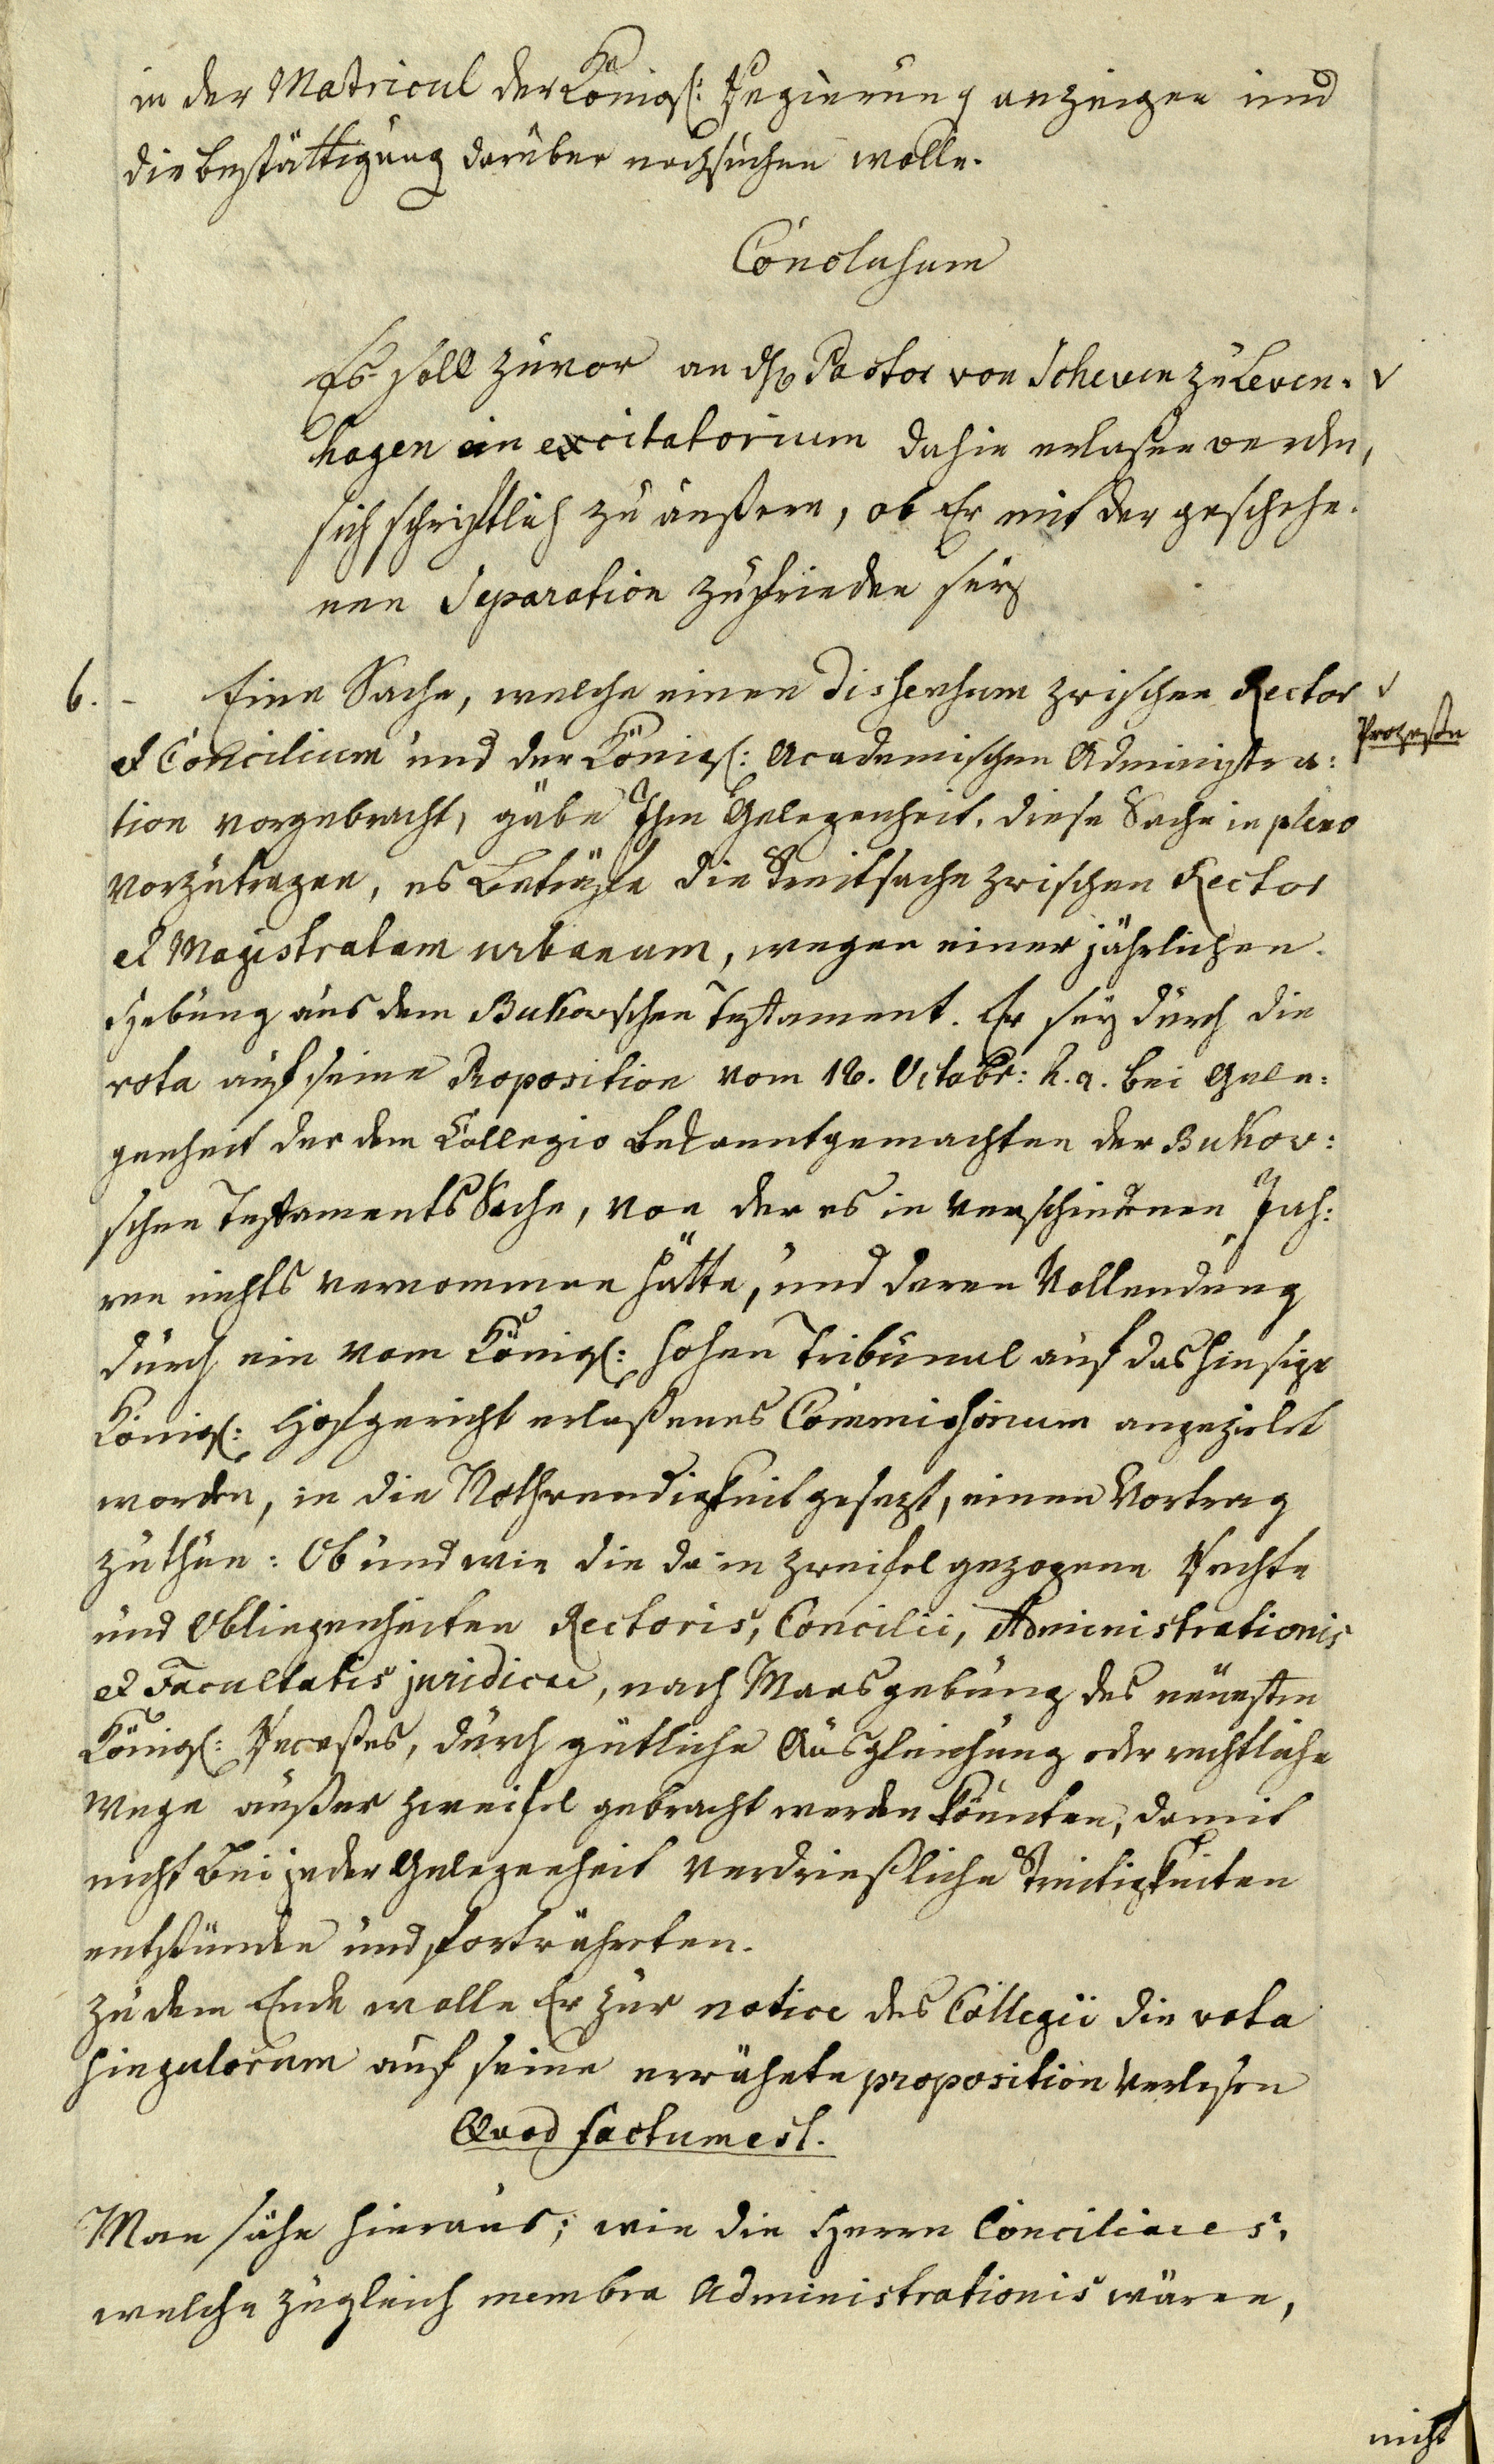in der Matricul der Königl. Regierung anzeigen und
die Bestättigung darüber nachsuchen wolle.
Conclusum
Es soll zuvor dh Pastor von Scheven zu Leven¬
hagen ein excitatorium dahin erlaßen werden,
sich schriftlich zu äußern, ob Er mit der geschehe¬
nen Separation zufrieden seÿ.
6. Eine Sache, welche einen dissensum zwischen Rector
et Cocilium und der Königl. Academischen Administra¬
tion vorgebracht, gäbe Ihm Gelegenheit, diese Sache in pleno
vorzutragen, es beträfe die Streitsache zwischen Rector
et Magistratam urbanum, wegen einer jährlichen
Hebung aus dem Bukowschen Testament. Er seÿ durch die
vota auf seine Proposition vom 18. Octobr. h. a. bei Gele¬
genheit der dem Collegio bekanntgemachten der Bukow¬
schen Testaments Sache, von der es in verschiedenen Jah¬
ren nichts vernommen hätte, und deren Vollendung
durch ein vom Königl. hohen Tribunal auf das hiesige
Königl. Hofgericht erlaßenes Commissorium angezielet
worden, in die Nothwendigkeit gesezt, einen Vortrag
zuthun: Ob und wie die in Zweifel gezogene Rechte
und Obliegenheiten Rectoris, Concilii, Administrationis
et Facultatis juridicae, nach Maasgebung des neuesten
Königl. Receßes, durch gütliche Ausgleichung oder rechtliche
Wege außer Zweifel gebracht werden könnten, damit
nicht bei jeder Gelegenheit verdrießliche Streitigkeiten
entstünden und fortwähreten.
Zu dem Ende wolle Er zur notice des Collegii die vota
singulorum auf seine erwähnte proposition verlesen.
Quod factum est.
Man sähe hieraus; wie die Herrn Conciliares,
welche zugleich membra Administrationis wären,